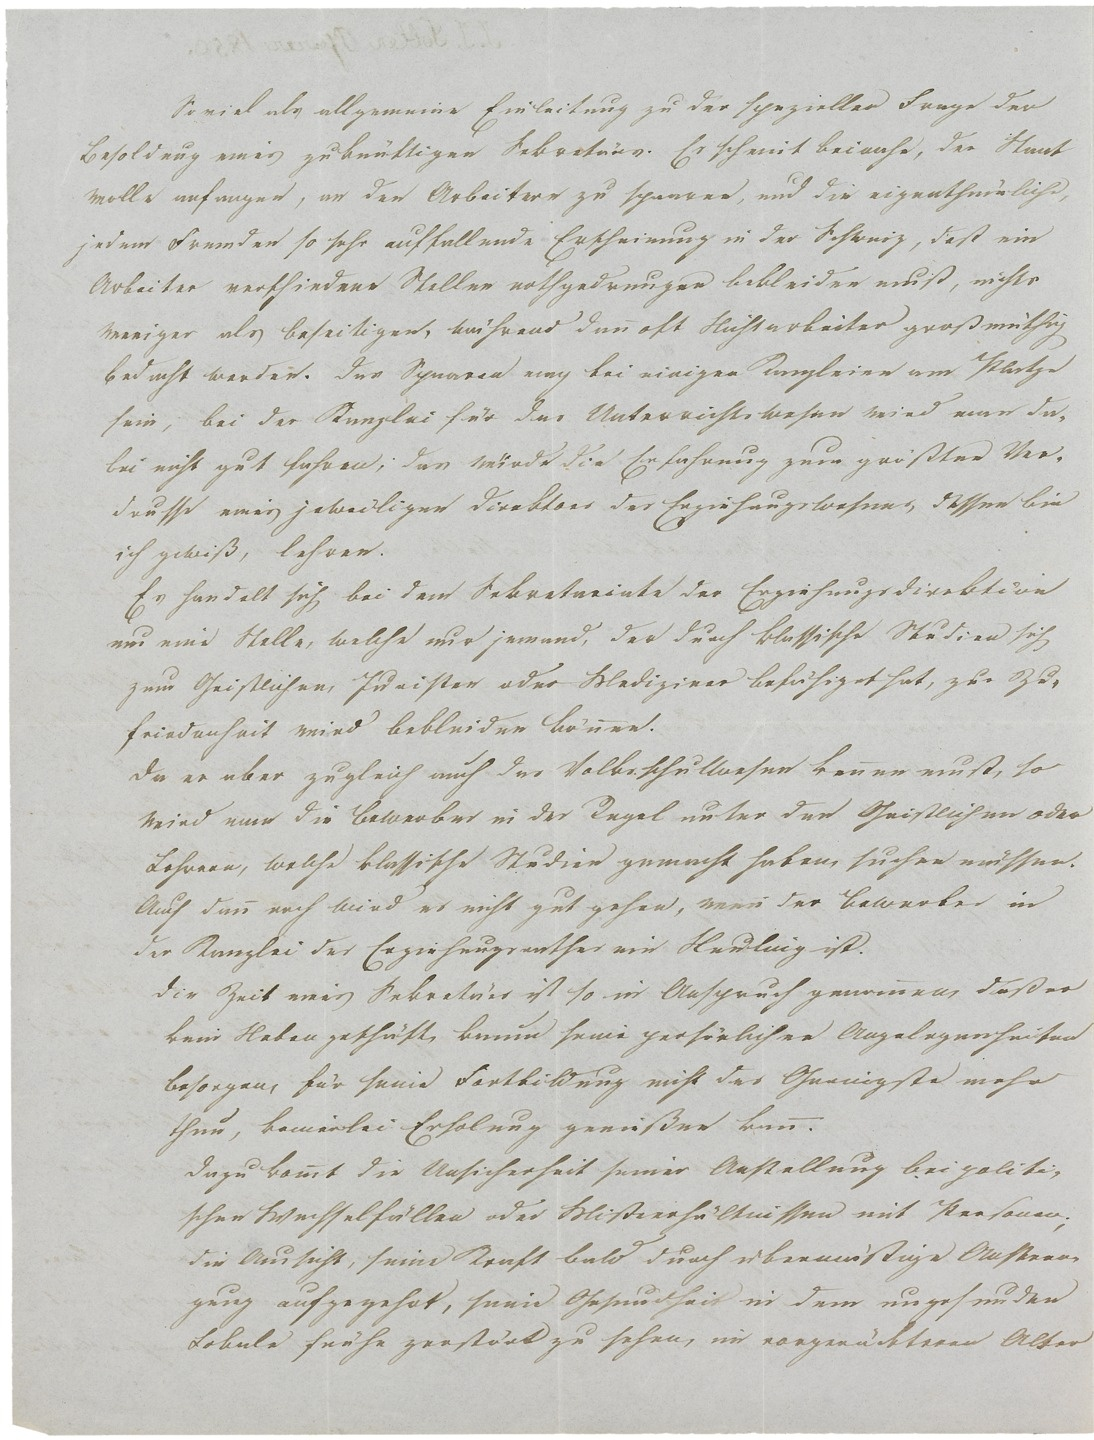So viel als allgemeine Einleitung zu der speziellen Frage der
Besoldung eines zukünftigen Sekretärs. Es scheint beinahe, der Staat
wolle anfangen, an den Arbeitern zu spaaren, und die eigenthümliche,
jedem Fremden so sehr auffallende Erscheinung in der Schweiz, daß ein
Arbeiter verschiedene Stellen nothgedrungen bekleiden muß, nichts
weniger als beseitigen, während dann oft Nichtarbeiter großmüthig
bedacht werden. Das Spaaren mag bei einigen Kanzleien am Platze
sein, bei der Kanzlei für das Unterrichtswesen wird man da-
bei nicht gut fahren; das würde die Erfahrung zum größten Ver-
drusse eines jeweiligen Direktors des Erziehungswesens, dessen bin
ich gewiß, lehren.
Es handelt sich bei dem Sekretariate der Erziehungsdirektion
um eine Stelle, welche nur jemand, der durch klassische Studien sich
zum Geistlichen, Juristen oder Mediziner befähiget hat, zur Zu-
friedenheit wird bekleiden können.
Da er aber zugleich auch das Voksschulwesen kennen muß, so
wird man die Bewerber in der Regel unter den Geistlichen oder
Lehrern, welche klassische Studien gemacht haben, suchen müssen.
Auch dann noch wird es nicht gut gehen, wenn der Bewerber in
der Kanzlei des Erziehungsrathes ein Neuling ist.
Die Zeit eines Sekretärs ist so in Anspruch genommen, daß er
kein Nebengeschäft, kaum seine persönlichen Angelegenheiten
besorgen, für seine Fortbildung nicht das Geringste mehr
thun, keinerlei Erholung genießen kann.
Dazu kommt die Unsicherheit seiner Anstellung bei politi-
schen Wechselfällen oder Mißverhältnissen mit Personen;
die Aussicht, seine Kraft bald durch übermäßige Anstren-
gung aufgezehrt, seine Gesundheit in dem ungesunden
Lokale frühe zerstört zu haben, im vorgenrückteren Alter